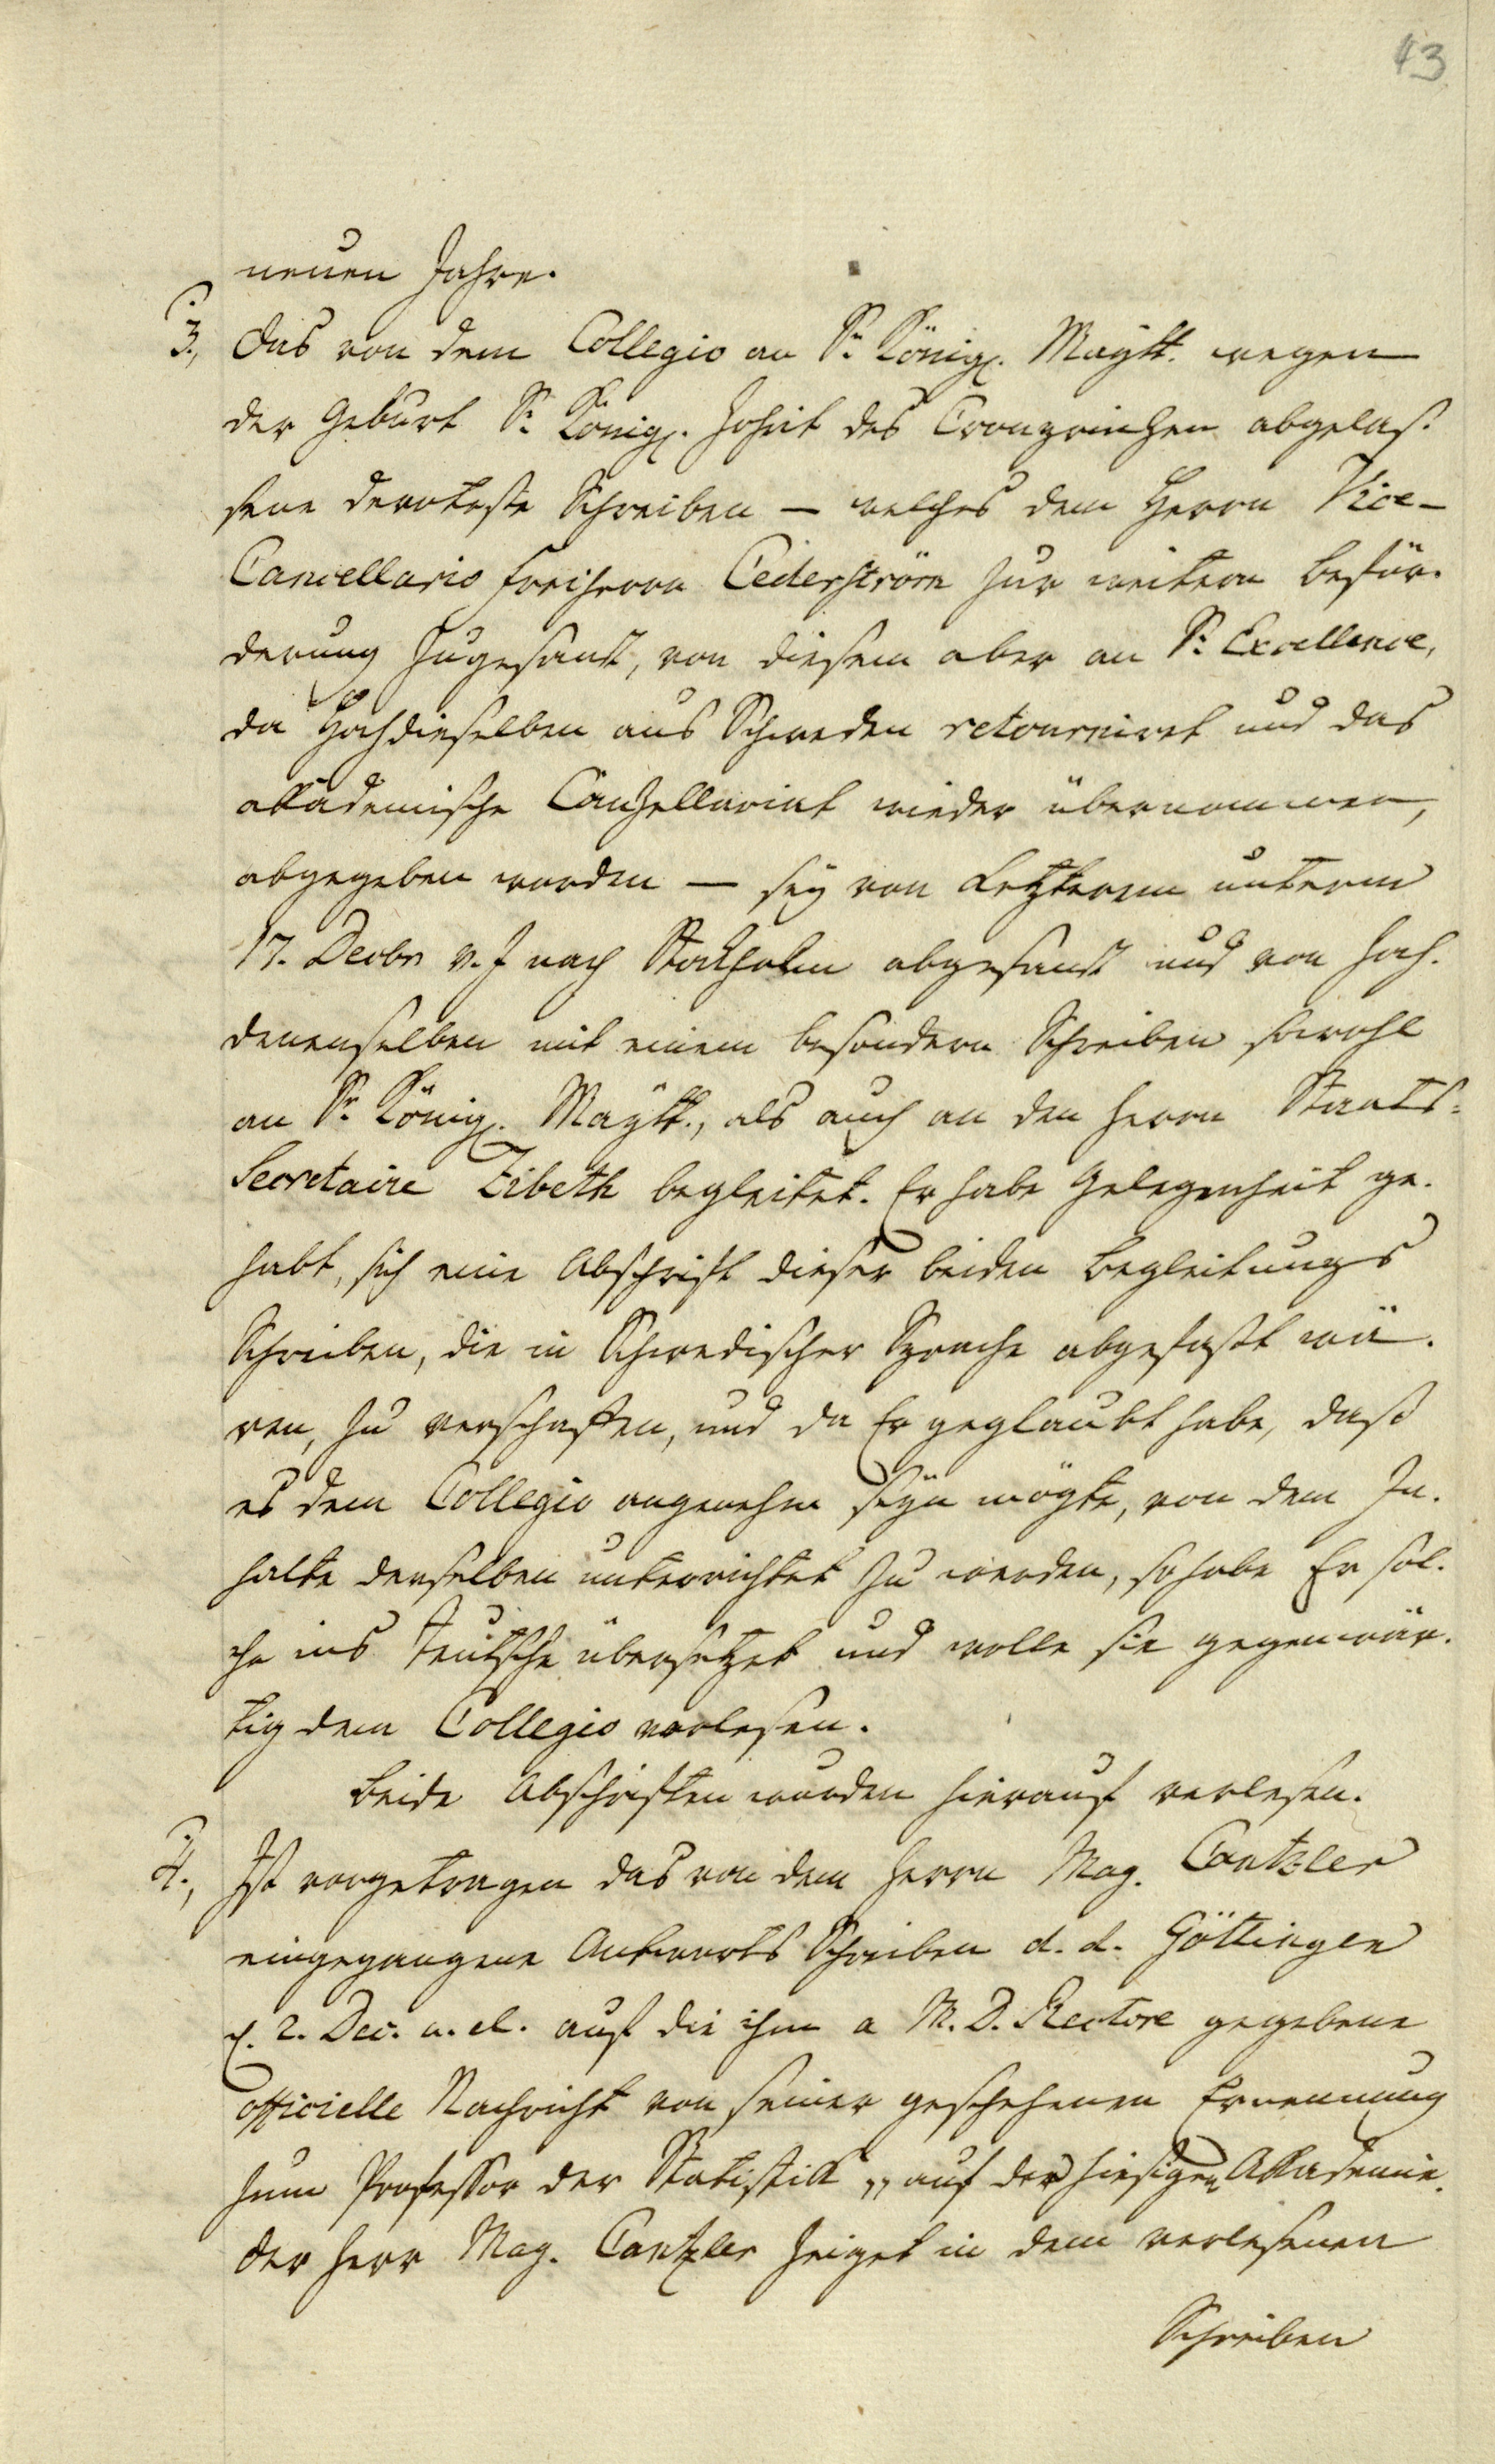neuen Jahre.
3., Das von dem Collegio an Sr. Königl. Maÿtt. wegen
der Geburt Sr Königl. Hohit des Cronprinzen abgelas¬
sene devoteste Schreiben welches dem Herrn Vice¬
Cancellario Freiherrn Cederström zur weitern Beför¬
derung zugesandt, von diesem aber an Sr Excellence,
da Hochdieselben aus Schweden retourniret und das
akademische Canzellariat wieder übernommen,
abgegeben worden seÿ von Letzteren unterm
17. Decbr. v. J. nach Stockholm abgesandt und von Hoch¬
denenselben mit einem besondern Schreiben sowohl
an Sr. Königl. Maÿtt., als auch an den Herrn Staats¬
Secretaire Zibeth begleitet. Er habe Gelegenheit ge¬
habt, sich eine Abschrift dieser beiden Begleitungs
Schreiben, die in Schwedischer Sprache abgefast wä¬
ren, zu verschaffen, und da Er geglaubt habe, daß
es dem Collegio angenehm seÿn mögte, von dem In¬
halte derselben unterrichtet zu werden, so habe Er sol¬
che ins Teutsche übersetzet und wolle sie gegenwär¬
tig dem Collegio vorlesen.
Beide Abschriften wurden hierauf verlesen.
4., Ist vorgetragen das von dem Herrn Mag. Cantzler
eingegangene Antworts Schreiben d. d. Göttingen
d. 2. Dec. a. d. auf die ihm a. M. D. Rectore gegebene
officielle Nachricht von seiner geschehenen Ernennung
zum Professor der Statistik auf der hiesigen Akademie.
Der Herr Mag. Cantzler zeiget in dem verlesenen
Schreiben